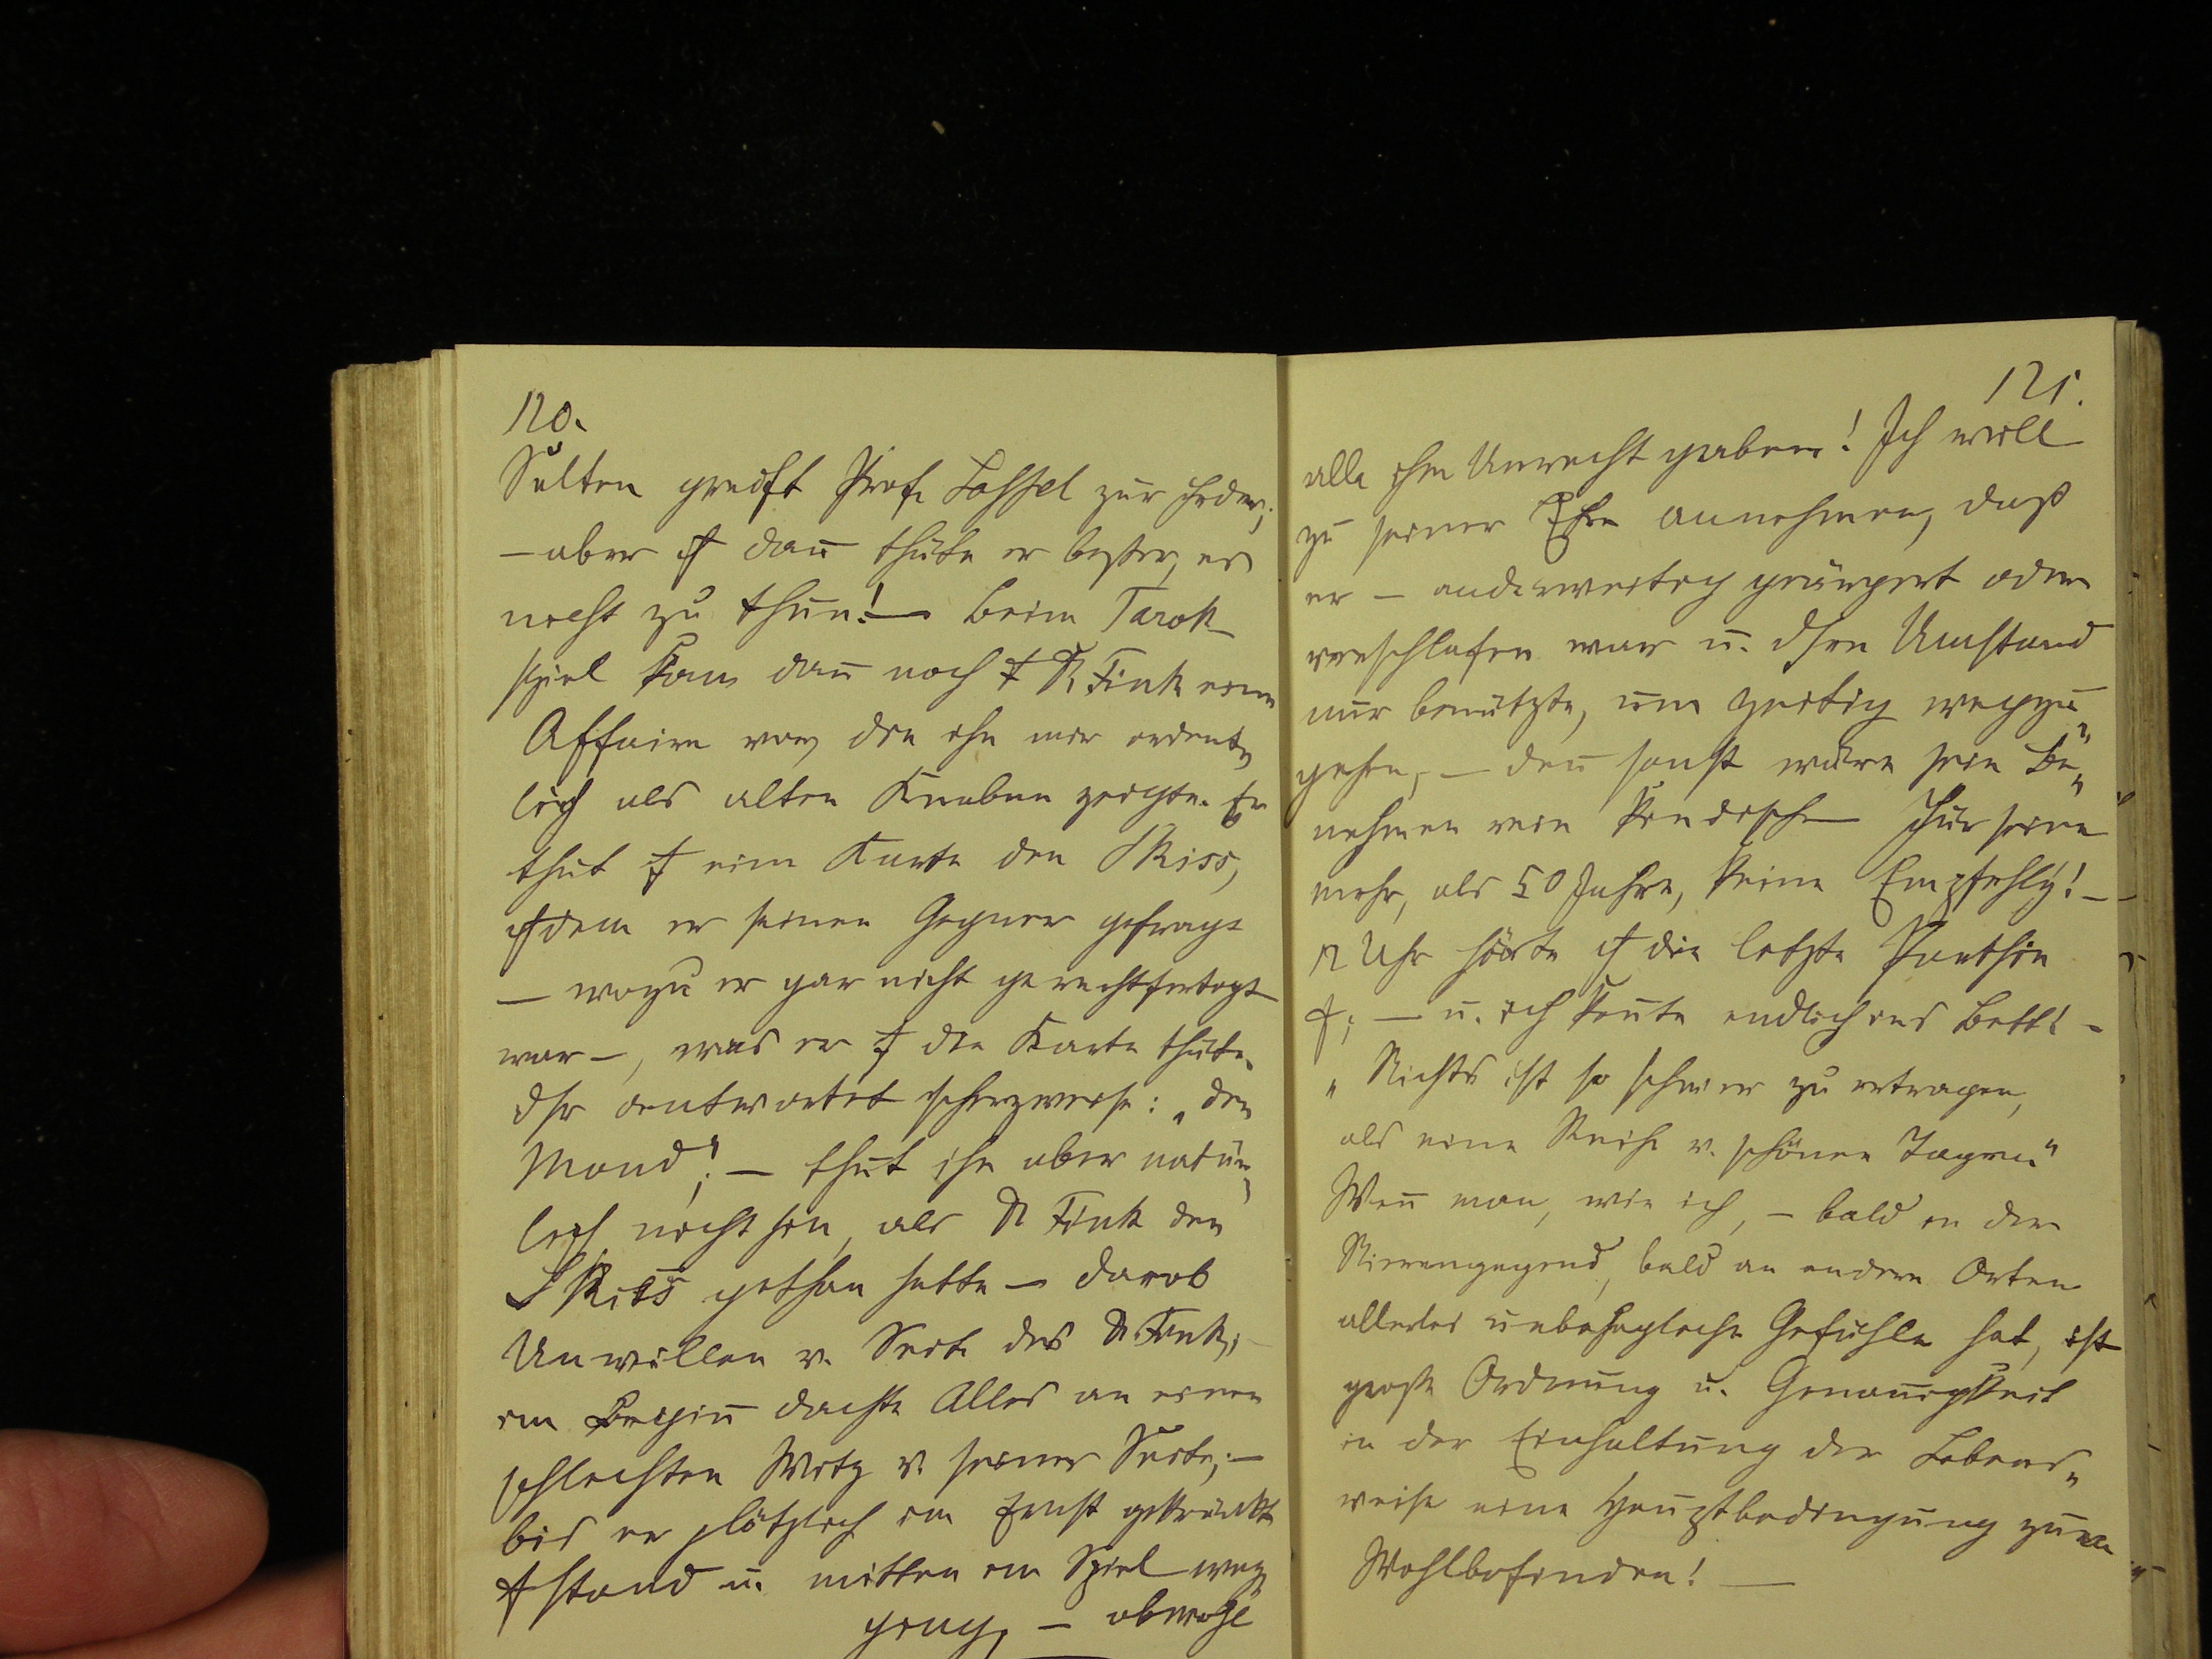120
Selten greift Prof. Lassel zur Feder,
- aber ch dan thäte er besser, es
nicht zu thun ! - Beim Tarok¬
spiel kam dan noch t Dr. Fink eine
Affaire vor, die ihn mir ordent¬
lich als alten Knaben zeigte. Er
thut f ein Karte die Skiso,
mit dem er seine Gegner gefragt
- wozu er gar nicht gerechtfertigt
war -, was er t der Karte thäte
dsr antwortete scherzhaft: „ Den
Mond„ - thut ihr aber natür¬
lich nicht hin, als Dr. Fink, den
Skiso gethan hatte, - Darob
Unwillen v. Seite des Dr. Fink,
von Begin dachte Alles an einen
schlechten Witz von seiner Seite; -
bis er plötzlich
Astand u. mitten im Spiel weg¬
ging, - obwohl
121
alle ihm Unrecht gaben!- Ich will
zu seiner Ehre annehmen, daß
er - anderweitig geärgert
oder verschlafen war u. dsen Umstand
nur benützte, um zeitig wegzu¬
gehen, - denn sonst wäre sein Be¬
nehmen rein kindisch. Für seine
mehr, als 50 Jahre, kein Einstellung! -
12 Uhr hörte ??? die letzte Parthie
f; - u. ich konte endlich ins Bett ! -
„ Nichts ist so schwer zu ertragen,
als eine Reihe v. schönen Tagen“
Wen man, wie ich, - bald in der
Nierengegend, bald an anderen Orten
allerlei unbehagliche Gefühle hat, ist
große Ordnung u. Genauigkeit
in der Einhaltung der Lebens¬
weise eine Hauptbedingung zum
Wohlbefinden! -